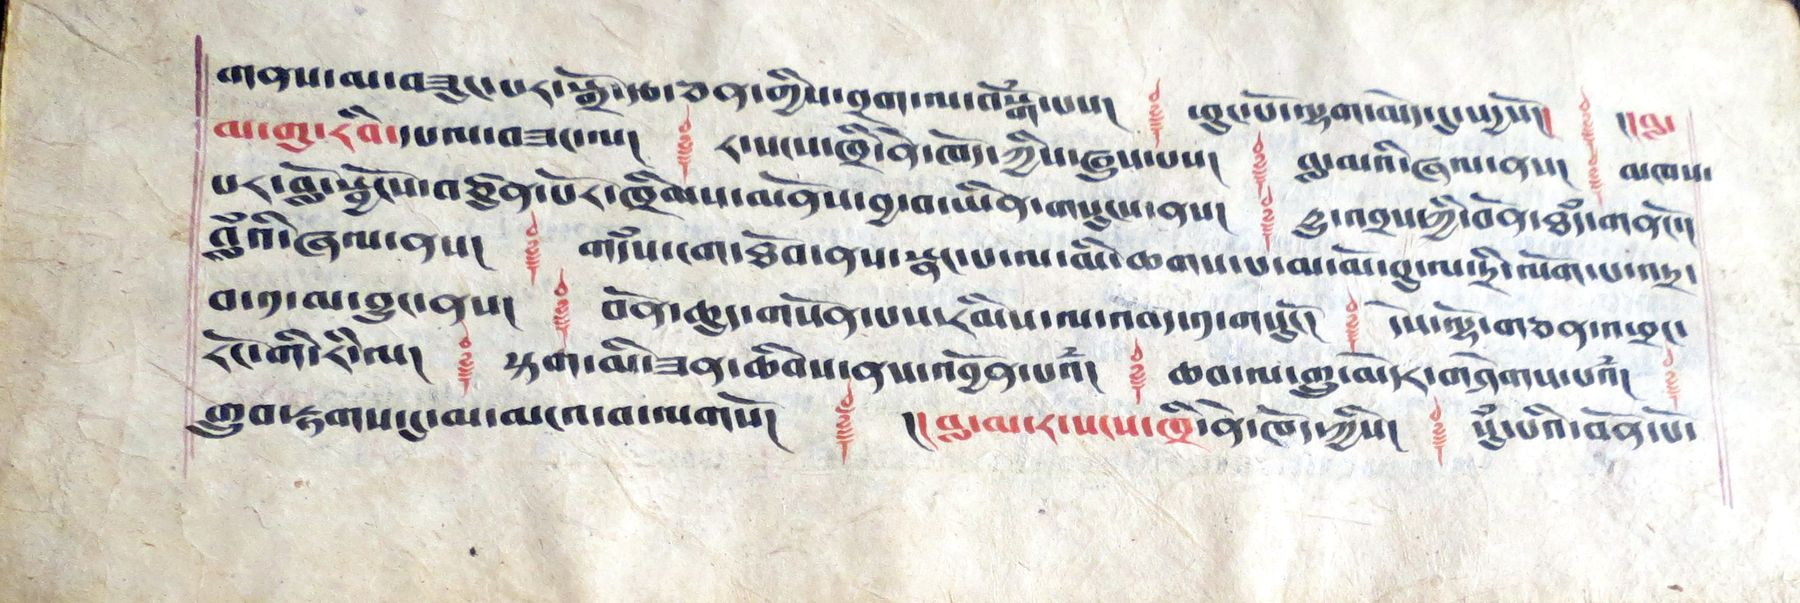གནས་མ་བཟུང་པར་སྒྲོ་རྩ་ཅན་གྱི་བྲག་ལ་བསྒོམས་པས། ཕུང་པོ་ལྷག་མེད་དུ་སངས་རྒྱས་སོ། ། བླ་
མ་གུ་རིབ་དཔལ་བཟང་ལ། ར་སངས་ཁྲིན་ནེ་ཁོད་ཀྱིས་ཞུས་པས། བླ་མའི་ཞལ་ནས། མཁས་
པར་བློ་སྦྱོང་བཙུན་པར་ཁྲིམས་མནོས་བྱ་བ་ཡིན་གསུངས་ནས། རྒྱུ་འབྲས་ཀྱི་བོན་ཐམས་ཅད་གནང་ངོ། ། 
བླ་མའི་ཞལ་ནས། གདམས་ངག་ཐོབ་ནས་སྣང་བ་ལ་མི་ཆགས་པ། མ་མོ་བུ་ལ་དྲི་ལོག་པ་འདྲ་
བ་ཞིག་མ་བྱུང་ན། བོན་ཆུད་གསོན་པས་རེམས་ལ་འབོད་ཅིག་གསུངས་སོ། ། དེས་ལྷོ་གཅན་འཕྲང་
རོང་གི་རི་ལ། སྟག་མི་གཟན་ཆིབས་ནས་འབྱོན་པའམ། ཆབ་ལ་གྲུ་མེད་པར་གཤེགས་པའམ། 
གྲུབ་རྟགས་དུ་མ་མངའ་བ་ལགས་སོ། ། བླ་མ་ར་སངས་ཁྲིན་ནེ་ཁོད་ཀྱིས། སུམ་པའི་བོན་པོ་